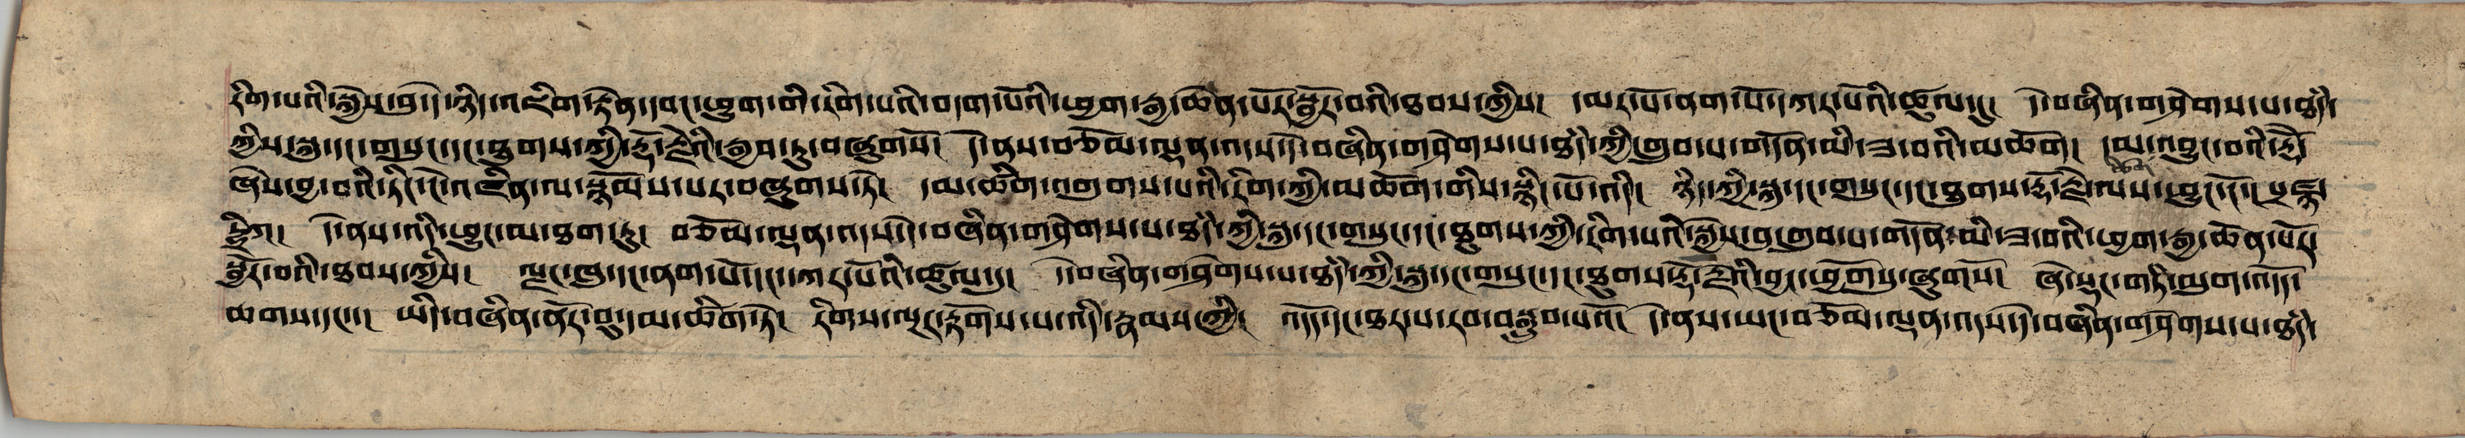རིག་པའི་སྐྱེས་བུ་དེ་ཉིད་འཇིག་རྟེན་དབང་ཕྱུག་གི་རིག་པའི་བདག་པོའི་ཕྱག་རྒྱ་ཆེན་པོར་སྦྱོར་བའི་ཐབས་ཀྱིས། དམར་པོ་ནག་པོ་དཀར་པོའི་ཚུལ་དུ། དེ་བཞིན་གཤེགས་པ་ཐཾད་
ཀྱིས་སྐུ་དང་གསུང་དང་ཐུགས་ཀྱི་རྡོ་རྗེའི་རྒྱབ་ཏུ་བཞུགསོ། དེ་ནས་བཅོམ་ལྡན་འདས་དེ་བཞིན་གཤེགས་པ་ཐཾད་ཀྱི་གྲུབ་པ་གདོན་མི་ཟ་བའི་མཆོག། དམ་འབྱུང་བའི་རྡོེ་
ཞེས་བྱ་བའི་ཏིང་ངེ་འཛིན་ལ་སྙོམས་པར་བཞུགས་ཏེ་། དམ་ཚིག་འགུགས་པའི་རིག་ཀྱི་མཆོག་གིས་སྙིང་པོ་འདི་། ཉིད་ཀྱི་སྐུ་དང་གསུང་དང་ཐུགས་རྡོ་རྗེ་ལས་ཕྱུང་ངོ་། པྲ་ཛྙ་
དྷྲིཀ། དེ་ནས་འདི་ཕྱུང་མ་ཐག་ཏུ། བཅོམ་ལྡན་འདས་དེ་བཞིན་གཤེགས་པ་ཐཾད་ཀྱི་སྐུ་དང་གསུང་དང་ཐུགས་ཀྱི་རིག་པའི་སྐྱེས་བུ་གྲུབ་པ་གདོན་མི་ཟ་བའི་ཕྱག་རྒྱ་ཆེན་པོར་
སྦྱོར་བའི་ཐབས་ཀྱིས། ལྗང་ཁུ་དང་ནག་པོ་དང་དཀར་པོའི་ཚུལ་དུ། དེ་བཞིན་གཤེགས་པ་ཐཾད་ཀྱི་སྐུ་དང་གསུང་དང་ཐུགས་རྡོ་རྗེའི་བྱང་ཕྱོགསུ་ཞུགསོ། ཞེ་སྡང་གཏི་མུག་འདོད་
ཆགས་དང་་། ཡིད་བཞིན་ནོར་བུ་དམ་ཚིག་ཏེ། རིགས་ལྔར་རྟོགས་པ་འདི་རྣམས་ཀྱི། འདོད་དང་ཐར་པ་རབ་བསྒྲུབ་པའོ། དེ་ནས་ཡང་བཅོམ་ལྡན་འདས་དེ་བཞིན་གཤེགས་པ་ཐཾད་